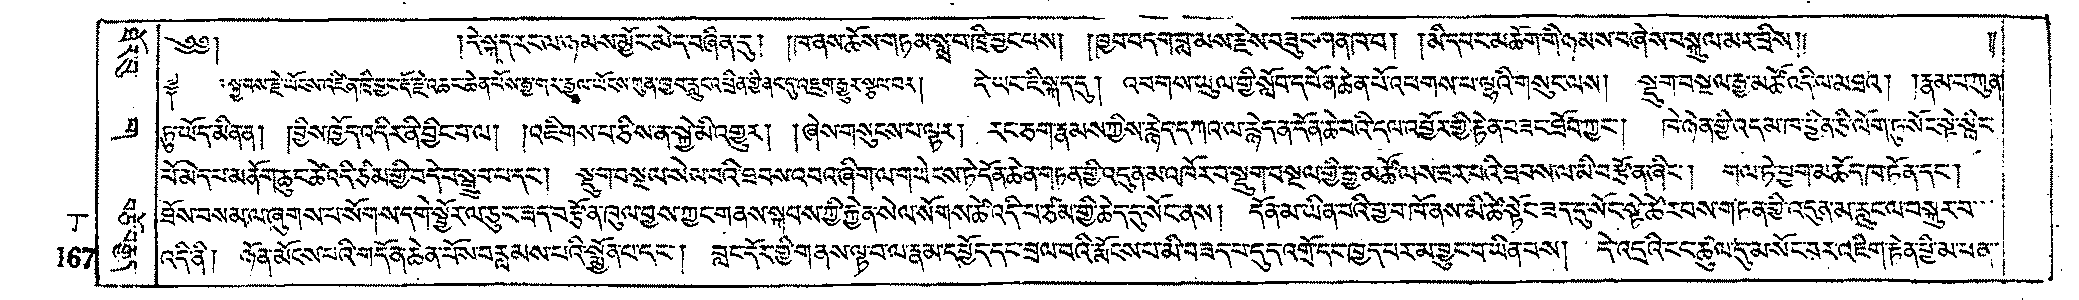༄༅། །དེ་སྐད་རང་ལ་ཉམས་མྱོང་མེད་བཞིན་དུ། །ཁ་ནས་ཆོས་གཏམ་སྨྲ་བ་ཁྲི་བྱང་པས། །ཁྱབ་བདག་བླ་མས་རྗེས་བཟུང་ཤན་ཁ་བ། །མི་དབང་མཆོག་གི་ཉམས་བཞེས་བསྐུལ་མར་བྲིས།། །།
འ ༧སྐྱབས་རྗེ་ཡོངས་འཛིན་ཁྲི་བྱང་རྡོ་རྗེ་འཆང་ཆེན་པོས་རྒྱ་གར་རྒྱལ་ཡོངས་ཀུན་ཁྱབ་རླུང་འཕྲིན་གྱི་ནང་དུ་འཇུག་རྒྱུར་སྩལ་བར།  དེ་ཡང་ཇི་སྐད་དུ། འཕགས་ཡུལ་གྱི་སློབ་དཔོན་ཆེན་པོ་འཕགས་པ་ལྷའི་གསུང་ལས། སྡུག་བསྔལ་རྒྱ་མཚོ་འདི་ལ་མཐའ། །རྣམ་པ་ཀུན་
ཏུ་ཡོད་མིན་ན། །བྱིས་ཁྱོད་འདིར་ནི་བྱིང་བ་ལ། །འཇིགས་པ་ཅིས་ན་སྐྱེ་མི་འགྱུར། །ཞེས་གསུངས་པ་ལྟར། རང་ཅག་རྣམས་ཀྱིས་རྙེད་དཀའ་ལ་རྙེད་ན་དོན་ཆེ་བའི་དལ་འབྱོར་གྱི་རྟེན་བཟང་ཐོབ་ཀྱང་། ཁེ་ཉེན་གྱི་འདམ་ཁ་ཕྱིན་ཅི་ལོག་ཏུ་སོང་སྟེ་སྙིང་
པོ་མེད་པ་མནོག་ཆུང་ཚེ་འདི་ཙམ་གྱི་བདེ་བ་སྒྲུབ་པ་དང་། སྡུག་བསྔལ་སེལ་བའི་ཐབས་འབའ་ཞིག་ལ་གཡེངས་ཏེ་དོན་ཆེན་གཏན་གྱི་འདུན་མ་འཁོར་བ་སྡུག་བསྔལ་གྱི་རྒྱ་མཚོ་ལས་ཐར་པའི་ཐབས་ལ་མི་བརྩོན་ཞིང་། གལ་ཏེ་ཕྱག་མཆོད་ཁ་ཏོན་དང་།
ཐོས་བསམ་ལ་ཞུགས་པ་སོགས་དགེ་སྦྱོར་ལ་ཅུང་ཟད་བརྩོན་ཁུལ་བྱས་ཀྱང་གནས་སྐབས་ཀྱི་རྐྱེན་སེལ་སོགས་ཚེ་འདི་པ་ཙམ་གྱི་ཆེད་དུ་སོང་ནས། དོན་མ་ཡིན་པའི་བྱ་བ་ཁོ་ནས་མི་ཚེ་སྟོང་ཟད་དུ་སོང་སྟེ་ཚེ་རབས་གཏན་གྱི་འདུན་མ་རླུང་ལ་བསྐུར་བ་་་
འདི་ནི། ཉོན་མོངས་པའི་གདོན་ཆེན་པོས་བརླམས་པའི་སྨྱོན་པ་དང་། བླང་དོར་གྱི་གནས་ལྟ་བ་ལ་རྣམ་དཔྱོད་དང་བྲལ་བའི་རྨོངས་པ་མི་བཟད་པ་དུད་འགྲོ་དང་ཁྱད་པར་མ་བྱུང་བ་ཡིན་པས། དེ་འདྲའི་ངང་ཚུལ་དུ་མ་སོང་བར་འཇིག་རྟེན་ཕྱི་མ་ཕན་་་